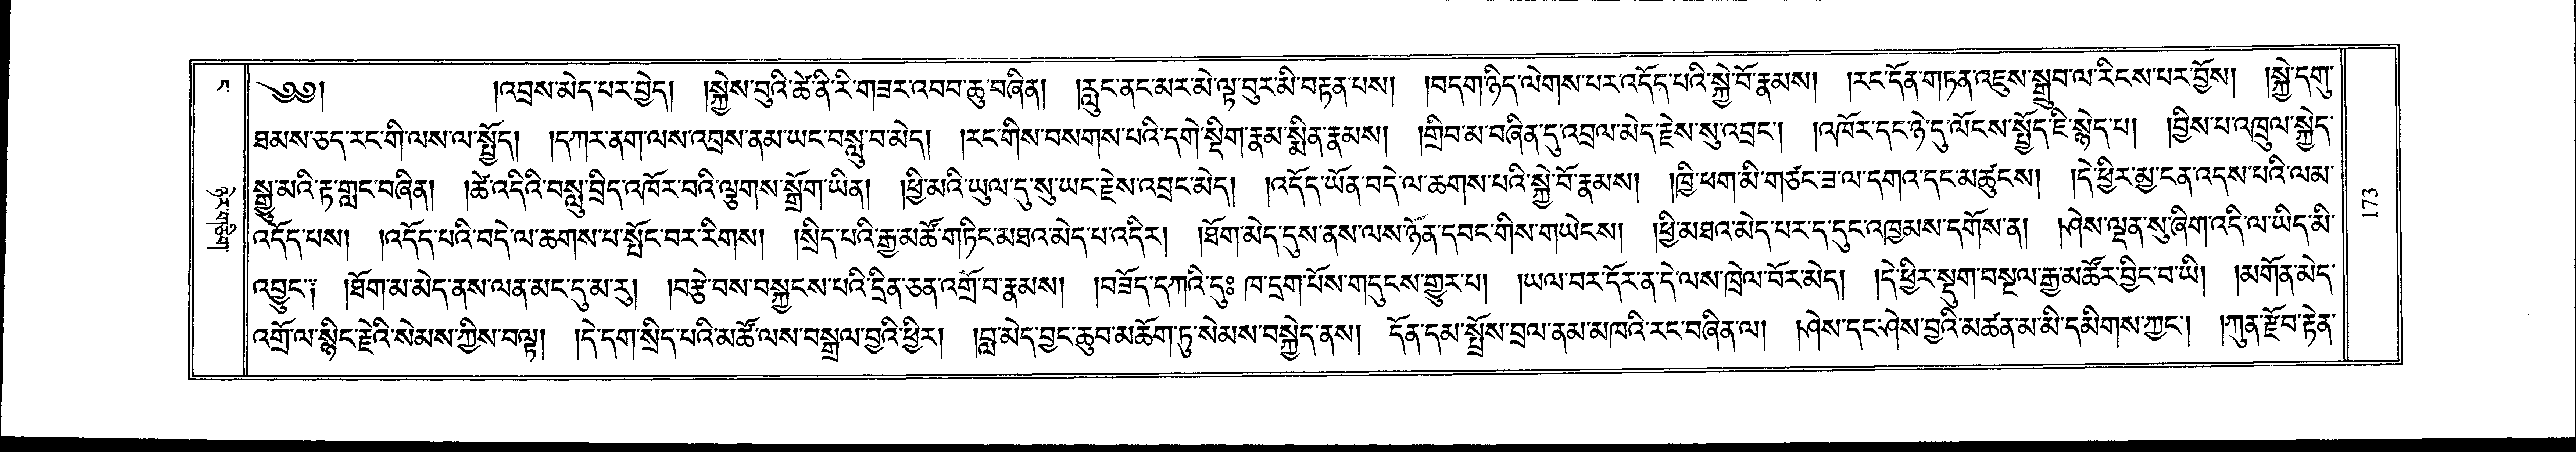༄༅། །འབྲས་མེད་པར་བྱེད། །སྐྱེས་བུའི་ཚེ་ནི་རི་གཟར་འབབ་ཆུ་བཞིན། །རླུང་ནང་མར་མེ་ལྟ་བུར་མི་བརྟན་པས། །བདག་ཉིད་ལེགས་པར་འདོད་པའི་སྐྱེ་བོ་རྣམས། །རང་དོན་གཏན་འཇུས་སྒྲུབ་ལ་རིངས་པར་བྱོས། །སྐྱེ་དགུ་
ཐམས་ཅད་རང་གི་ལས་ལ་སྤྱོད། །དཀར་ནག་ལས་འབྲས་ནམ་ཡང་བསླུ་བ་མེད། །རང་གིས་བསགས་པའི་དགེ་སྡིག་རྣམ་སྨིན་རྣམས། །གྲིབ་མ་བཞིན་དུ་འབྲལ་མེད་རྗེས་སུ་འབྲང་། །འཁོར་དང་ཉེ་དུ་ལོངས་སྤྱོད་ཇི་སྙེད་པ། །བྱིས་པ་འཁྲུལ་སྐྱེད་
སྒྱུ་མའི་རྟ་གླང་བཞིན། །ཚེ་འདིའི་བསླུ་བྲིད་འཁོར་བའི་ལྕགས་སྒྲོག་ཡིན། །ཕྱི་མའི་ཡུལ་དུ་སུ་ཡང་རྗེས་འབྲང་མེད། །འདོད་ཡོན་བདེ་ལ་ཆགས་པའི་སྐྱེ་བོ་རྣམས། །ཁྱི་ཕག་མི་གཙང་ཟ་ལ་དགའ་དང་མཚུངས། །དེ་ཕྱིར་མྱ་ངན་འདས་པའི་ལམ་
འདོད་པས། །འདོད་པའི་བདེ་ལ་ཆགས་པ་སྤོང་བར་རིགས། །སྲིད་པའི་རྒྱ་མཚོ་གཏིང་མཐའ་མེད་པ་འདིར། །ཐོག་མེད་དུས་ནས་ལས་ཉོན་དབང་གིས་གཡེངས། །ཕྱི་མཐའ་མེད་པར་ད་དུང་འཁྱམས་དགོས་ན། །ཤེས་ལྡན་སུ་ཞིག་འདི་ལ་ཡིད་མི་
འབྱུང་། །ཐོག་མ་མེད་ནས་ལན་མང་དུ་མ་རུ། །བརྩེ་བས་བསྐྱངས་པའི་དྲིན་ཅན་འགྲོ་བ་རྣམས། །བཟོད་དཀའི་དུཿ ཁ་དྲག་པོས་གདུངས་གྱུར་པ། །ཡལ་བར་དོར་ན་དེ་ལས་ཁྲེལ་བོར་མེད། །དེ་ཕྱིར་སྡུག་བསྔལ་རྒྱ་མཚོར་བྱིང་བ་ཡི། །མགོན་མེད་
འགྲོ་ལ་སྙིང་རྗེའི་སེམས་ཀྱིས་བལྟ། །དེ་དག་སྲིད་པའི་མཚོ་ལས་བསྒྲལ་བྱའི་ཕྱིར། །བླ་མེད་བྱང་ཆུབ་མཆོག་ཏུ་སེམས་བསྐྱེད་ནས། དོན་དམ་སྤྲོས་བྲལ་ནམ་མཁའི་རང་བཞིན་ལ། །ཤེས་དང་ཤེས་བྱའི་མཚན་མ་མི་དམིགས་ཀྱང་། །ཀུན་རྫོབ་རྟེན་